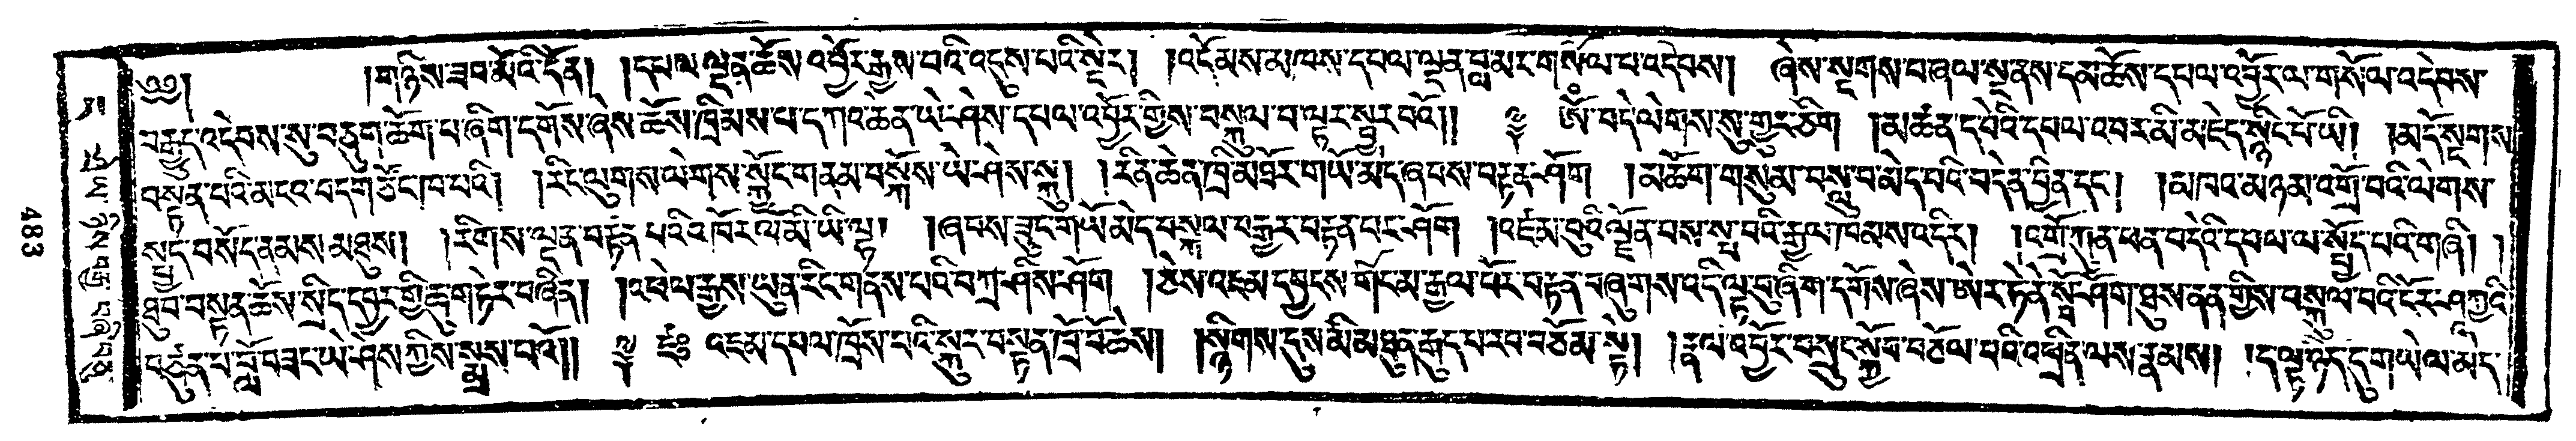༄༅། །གཉིས་ཟབ་མོའི་དོན། །དཔལ་ལྡན་ཆོས་འབྱོར་རྒྱས་བའི་འདུས་པའི་སྡེར། །འདོམས་མཁས་དཔལ་ལྡན་བླ་མར་གསལ་པ་འདེབས། ཞེས་སྔགས་བ་ཞལ་སྔ་ནས་དམ་ཆོས་དཔལ་འབྱོར་ལ་གསོལ་འདེབས་
བརྒྱུད་འདེབས་སུ་བཅུག་ཆོག་པ་ཞིག་དགོས་ཞེས་ཆོས་ཁྲིམས་པ་དཀའ་ཆེན་ཡེ་ཤེས་དཔལ་འབྱོར་གྱིས་བསྐུལ་བ་ལྟར་སྦྱར་བའོ།། ༈ ཨོཾ་བདེ་ལེགས་སུ་གྱུར་ཅིག །མཚན་ད་བེའི་དཔལ་འབར་མི་མཇེད་སྙིང་པོ་ཡི། །མདོ་སྔགས་
བསྟན་པའི་མངའ་བདག་ཙོང་ཁ་པའི། །རིང་ལུགས་ལེགས་སྐྱོང་གནམ་བསྐོས་ཡེ་ཤེས་སྐུ། །རིན་ཆེན་ཁྲི་མཐོར་གཡོ་མེད་ཞབས་བརྟན་ཤོག །མཆོག་གསུམ་བསླུ་བ་མེད་པའི་བདེན་བྱིན་དང་། །མཁའ་མཉམ་འགྲོ་བའི་ལེགས་
སྤྱད་བསོད་ནམས་མཐུས། །རིགས་ལྡན་བརྟན་པའི་འཁོར་ལོ་མི་ཡི་ལྷ། །ཞབས་ཟུང་གཡོ་མེད་བསྐལ་བརྒྱར་བརྟན་པར་ཤོག །འཛམ་བུའི་ལྗོན་བས་སྤ་བའི་རྒྱལ་ཁམས་འདིར། །འགྲོ་ཀུན་ཕན་བདེའི་དཔལ་ལ་སྤྱོད་པའི་གཞི། །
ཐུབ་བསྟན་ཆོས་སྲིད་དབྱར་གྱི་ཆུ་གཏེར་བཞིན། །འཕེལ་རྒྱས་ཡུན་རིང་གནས་པའི་བཀྲ་ཤིས་ཤོག །ཅེས་འཇམ་དབྱངས་གང་མ་རྒྱལ་པོར་བརྟན་བཞུགས་འདི་ལྟ་བུ་ཞིག་དགོས་ཞེས་ཨེར་ཏེ་ནེ་སྦོ་ཤོག་ཐུས་ནན་གྱིས་བསྐུལ་བའི་ངོར་ཤཱཀྱའི་
བཙུན་པ་བློ་བཟང་ཡེ་ཤེས་ཀྱིས་སྨྲས་པའོ།། ༈ ཛཿ འཇམ་དཔལ་ཁྲོས་པའི་སྐུར་བསྟན་ཁྲོ་བོ་ཆེས། །སྙིགས་དུས་མི་མཐུན་རྒུད་པ་རབ་བཅོམ་སྟེ། །རྣལ་འབྱོར་བསྲུང་སྐྱོབ་བཅོལ་བའི་འཕྲིན་ལས་རྣམས། །ད་ལྟ་ཉིད་དུ་གཡེལ་མེད་